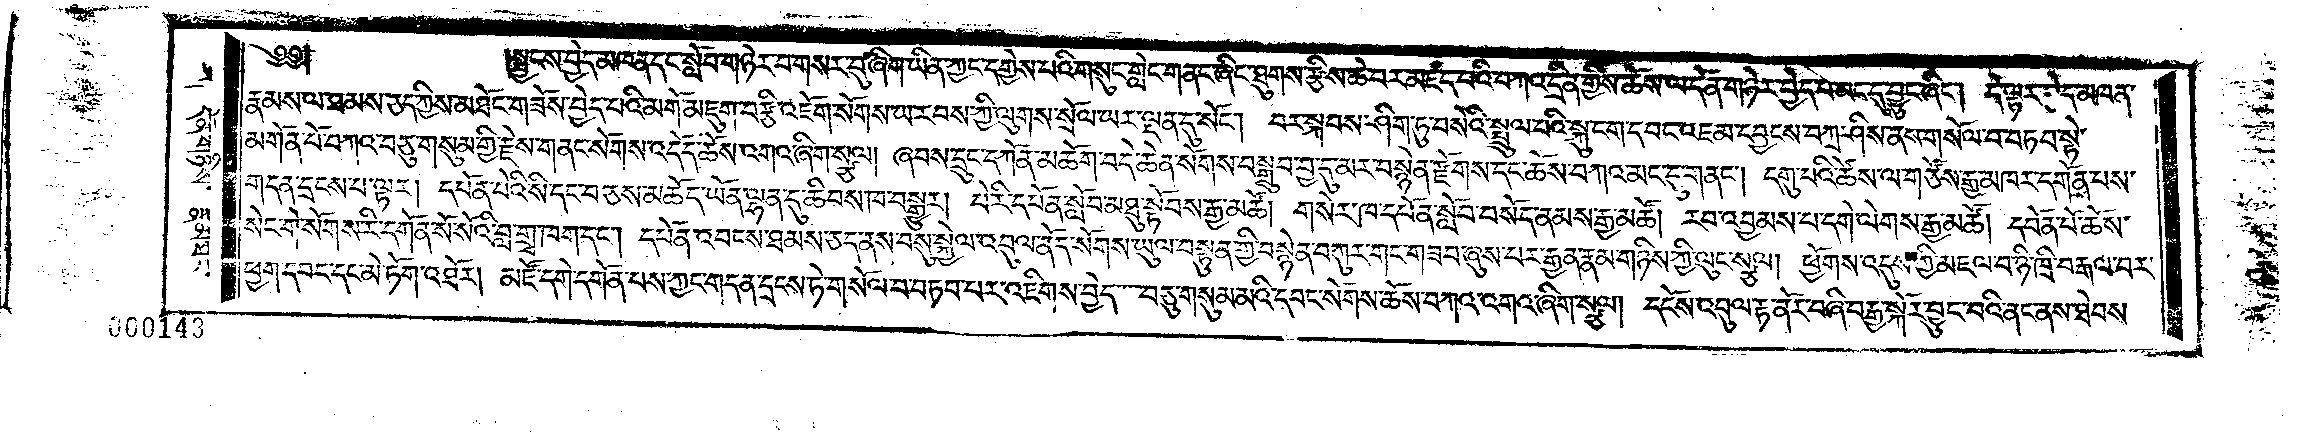༄༅། །སྦྱངས་བྱེད་མཁན་དང་སློབ་གཉེར་བ་གསར་བུ་ཞིག་ཡིན་ཀྱང་དགྱེས་པའི་གསུང་གླེང་གནང་ཞིང་ཐུགས་རྩིས་ཆེ་བར་མཛད་པའི་བཀའ་དྲིན་གྱིས་ཆོས་ལ་དོན་གཉེར་བྱེད་པ་མང་དུ་བྱུང་ཞིང་། དེ་ལྟར་བྱེད་མཁན་
རྣམས་ལ་ཐམས་ཅད་ཀྱིས་མཐོང་གཟོས་བྱེད་པའི་མགོ་མཇུག་བརྩི་འཇོག་སོགས་ཡ་རབས་ཀྱི་ལུགས་སྲོལ་ཡར་ལྡན་དུ་སོང་། བར་སྐབས་ཤིག་ཏུ་བསེའི་སྤྲུལ་པའི་སྐུ་ངག་དབང་འཇམ་དབྱངས་བཀྲ་ཤིས་ནས་གསོལ་བ་བཏབ་སྟེ་
མགོན་པོ་བཀའ་བཅུ་གསུམ་གྱི་རྗེས་གནང་སོགས་འདོད་ཆོས་འགའ་ཞིག་སྩལ། ཞབས་དྲུང་དཀོན་མཆོག་བདེ་ཆེན་སོགས་བསྒྲུབ་བྱ་དུ་མར་བསྙེན་རྫོགས་དང་ཆོས་བཀའ་མང་དུ་གནང་། དགུ་པའི་ཚེས་ལ་གཙོས་རྒྱ་མཁར་དགོན་པས་
གདན་དྲངས་པ་ལྟར། དཔོན་པོའི་སི་དང་བཅས་མཆོད་ཡོན་ལྷན་དུ་ཆིབས་ཁ་བསྒྱུར། པེ་རི་དཔོན་སློབ་མཐུ་སྟོབས་རྒྱ་མཚོ། གསེར་ཁ་དཔོན་སློབ་བསོད་ནམས་རྒྱ་མཚོ། རབ་འབྱམས་པ་དགེ་ལེགས་རྒྱ་མཚོ། དཔོན་པོ་ཆོས་
སེང་གེ་སོགས་རི་དགོན་སོ་སོའི་བླ་གྲྭ་ཁག་དང་། དཔོན་འབངས་ཐམས་ཅད་ནས་བསུ་སྐྱེལ་འབུལ་ནོད་སོགས་ཡུལ་བསྟུན་གྱི་བསྙེན་བཀུར་གང་གཟབ་ཞུས་པར་རྐྱན་རྣམ་གཉིས་ཀྱི་ལུང་སྩལ། ཕྱོགས་འདུས་ཀྱི་མཇལ་བ་ཉི་ཁྲི་བརྒལ་བར་
ཕྱག་དབང་དང་མེ་ཏོག་འཐོར། མཛོ་དགེ་དགོན་པས་ཀྱང་གདན་དྲངས་ཏེ་གསོལ་བ་བཏབ་པར་འཇིགས་བྱེད་བཅུ་གསུམ་མའི་དབང་སོགས་ཆོས་བཀའ་འགའ་ཞིག་སྩལ། དངོས་འབུལ་རྟ་ནོར་བཞི་བརྒྱ་སྐོར་བྱུང་བའི་ནང་ནས་ཐེབས་